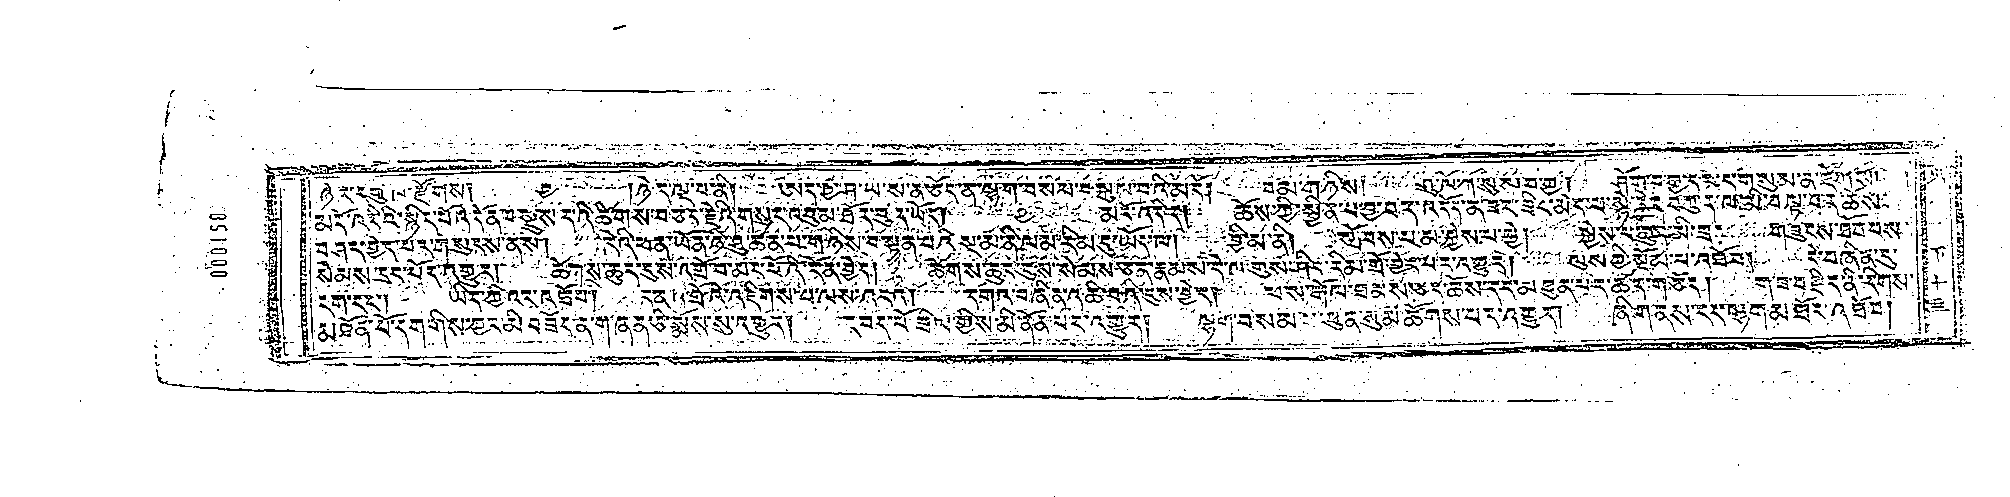ཉེར་དགུ་པ་རྫོགས། ༧་།ཉེར་ལྔ་པ་ནི། ཨད་ཏྱ་ཤ་ཡ་ས་ན་ཅོད་ན་ལྷག་བསམ་བསྐུལ་བའི་མདོ། བམ་གཉིས། ཤུ་ལོ་ཀ་སུམ་བརྒྱ། ཤོག་བརྒྱ་དང་ད་གསུམ་ན་རྫོགས། །
མདོ་འདིའི་སྙིང་པོའི་དོན་བསྡུས་པའི་ཚིགས་བཅད་རྗེའི་གསུང་འབུམ་ཐོར་བུད་ཡོད། ༧་མདོ་འདིར། ཆོས་ཀྱི་སྦྱིན་པ་བྱ་བར་འདོད་ན་ཟང་ཟིང་མེད་པ་སྟེ་རྙེད་བཀུ་ར་ལ་མི་བལྟ་བར་ཆོས་
བཤད་བྱེད་པར་གསུངས་ནས། དེའི་ཕན་ཡོན་ཉི་ཤུ་ཚན་པ་གཉིས་བསྟན་པའི་སྔ་མ་ནི་ལམ་རིམ་དུ་ཡོད་ལ། ཕྱི་མ་ནི། སྤོབས་པ་མ་སྐྱེས་པ་སྐྱེ། སྐྱེས་པ་ཆུད་མི་ཟ། གཟུངས་ཐོབ་པས་
སེམས་དྲང་པོར་འགྱུར། ཆོགས་ཆུད་དུས་འགྲོ་བ་མང་པོའི་དོན་བྱེད། ཚོགས་ཆུད་དུས་སེམས་ཅན་རྣམས་དེ་ལ་གུས་ཤིང་རིམ་གྲོ་བྱེད་པར་འགྱུར། ལུས་ཀྱི་སྡོམ་པ་འཐོབ། དེ་བཞིན་དུ་
དག་དང་། ཡིད་ཀྱིའང་འཐོབ། ངན་འགྲོའི་འཇིགས་པ་ལས་འདའ། དགའ་བཞིན་འཆི་བའི་དུས་བྱེད། ཕས་རྒོལ་ཐམས་ཅད་ཆོས་དང་མཐུན་པར་ཚད་གཅོད། གཟི་བརྗིད་ནི་རིགས་
མཐོན་པོ་དག་གིས་ཀྱང་མི་བཟོད་ན་གཞན་ཅི་སྨོས་སུ་འགྱུར། དབང་པོ་ཟིལ་གྱིས་མི་ནོན་པར་འགྱུར། ལྷག་བསམ་ཕུན་སུམ་ཚོགས་པར་འགྱུར། ཞི་གནས་དང་ལྷག་མཐོང་འཐོབ།